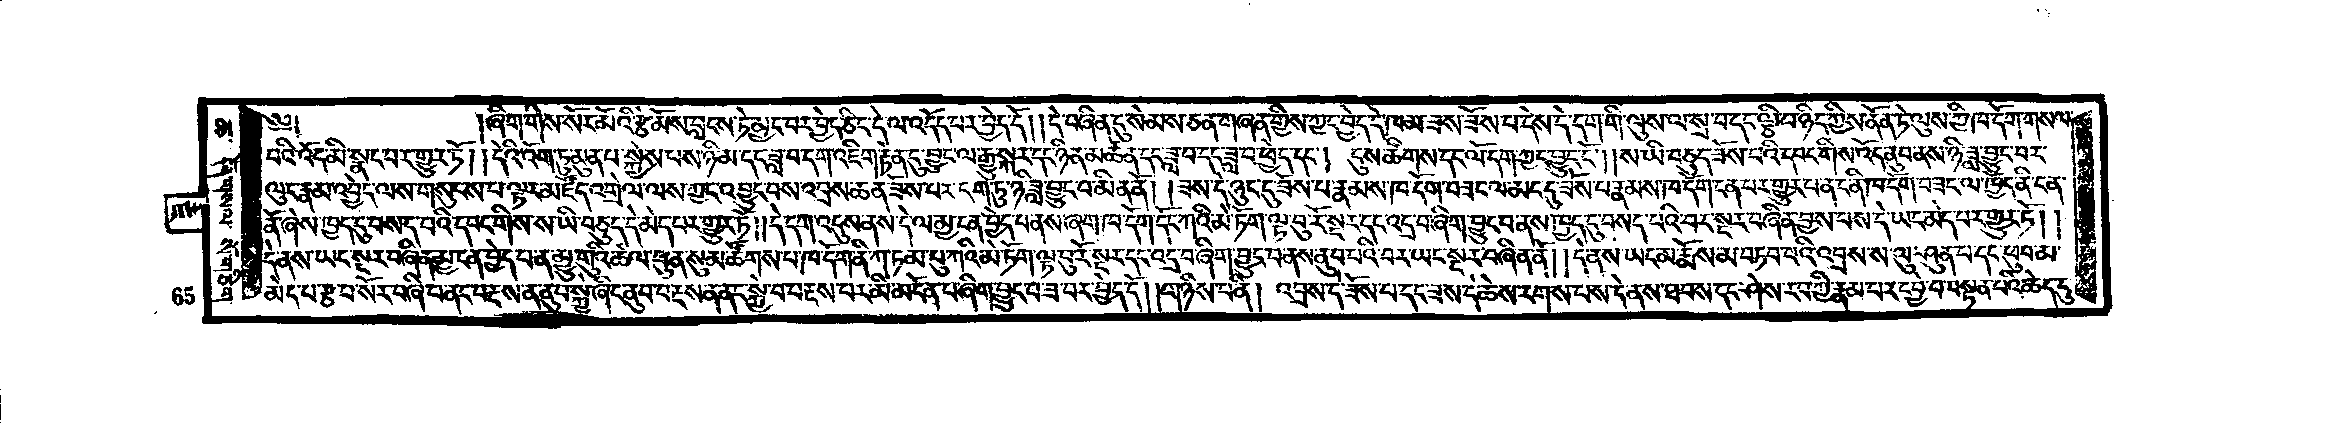༄༅། །ཞིག་གིས་སོར་མོའི་རྩེ་མོས་བླངས་ཏེ་མྱང་བར་བྱེད་ཅིང་དེ་ལ་འདོད་པར་བྱེད་དོ། །དེ་བཞིན་དུ་སེམས་ཅན་གཞན་གྱིས་ཀྱང་བྱེད་དེ་ཁམ་ཟས་ཟོས་པ་དེས་དེ་དག་གི་ལུས་ལ་སྲ་བ་དང་ལྕི་བ་ཉིད་ཀྱིས་ནོན་ཏེ་ལུས་ཀྱི་ཁ་དོག་གསལ་
བའི་འོད་མི་སྣང་བར་གྱུར་ཏོ། །དེའི་འོག་ཏུ་མུན་པ་སྐྱེས་པས་ཉི་མ་དང་ཟླ་བ་དག་འཇིག་རྟེན་དུ་བྱུང་ལ་རྒྱུ་སྐར་དང་ཉིན་མཚན་དང་ཟླ་བ་དང་ཟླ་བ་ཕྱེད་དང་། དུས་ཚིགས་དང་ལོ་དག་ཀྱང་བྱུང་ངོ། །ས་ཡི་བཅུད་ཟོས་པའི་དབང་གིས་འོད་ནུབ་ནས་ཉི་ཟླ་བྱུང་བར་
ལུང་རྣམ་འབྱེད་ལས་གསུངས་པ་ལྟར་མཛོད་འགྲེལ་ལས་ཀྱང་འབྱུང་བས་འབྲས་ཆན་ཟོས་པའི་འོག་ཏུ་ཉི་ཟླ་བྱུང་བ་མིན་ནོ། །ཟས་དེ་ཉུང་དུ་ཟོས་པ་རྣམས་ཁ་དོག་བཟང་ལ་མང་དུ་ཟོས་པ་རྣམས་ཁ་དོག་ངན་པར་གྱུར་པ་ན་ང་ནི་ཁ་དོག་བཟང་ལ་ཁྱོད་ནི་ངན་
ནོ་ཞེས་ཁྱད་དུ་བསད་པའི་དབང་གིས་ས་ཡི་བཅུད་དེ་མེད་པར་གྱུར་ཏོ། །དེ་དག་འདུས་ནས་དེ་ལ་མྱ་ངན་བྱེད་པ་ནས་ཞག་ཁ་དོག་དོང་ཀའི་མེ་ཏོག་ལྟ་བུ་རོ་སྔར་དང་འདྲ་བ་ཞིག་བྱུང་བ་ནས་ཁྱད་དུ་བསད་པའི་བར་སྔར་བཞིན་བྱས་པས་དེ་ཡང་མེད་པར་གྱུར་ཏོ། །
དེ་ནས་ཡང་སྔར་བཞིན་མྱ་ངན་བྱེད་པ་ན་མྱུ་གུའི་ཚལ་ཕུན་སུམ་ཚོགས་པ་ཁ་དོག་ནི་ཀ་ཏམ་པུ་ཀའི་མེ་ཏོག་ལྟ་བུ་རོ་སྔར་དང་འདྲ་བ་ཞིག་བྱུང་བ་ནས་ནུབ་པའི་བར་ཡང་སྔར་བཞིན་ནོ། །དེ་ནས་ཡང་མ་རྨོས་མ་བཏབ་པའི་འབྲས་ས་ལུ་ཤུན་པ་དང་ཕུབ་མ་
མེད་པ་རྩ་བ་སོར་བཞི་པ་ནང་བརྔས་?་ན་ནུབ་སྐྱེ་ཞིང་ནུབ་བརྔས་ན་ནང་སྐྱེ་བ་བརྔས་པར་མི་མངོན་པ་ཞིག་བྱུང་བ་ཟ་བར་བྱེད་དོ། །གཉིས་པ་ནི། འབྲས་དེ་ཟོས་པ་དང་ཟས་དེ་ཆེས་རགས་པས་དེ་ནས་ཐབས་དང་ཤེས་རབ་ཀྱི་རྣམ་པར་དབྱེ་བ་བསྟན་པའི་ཆེད་དུ་